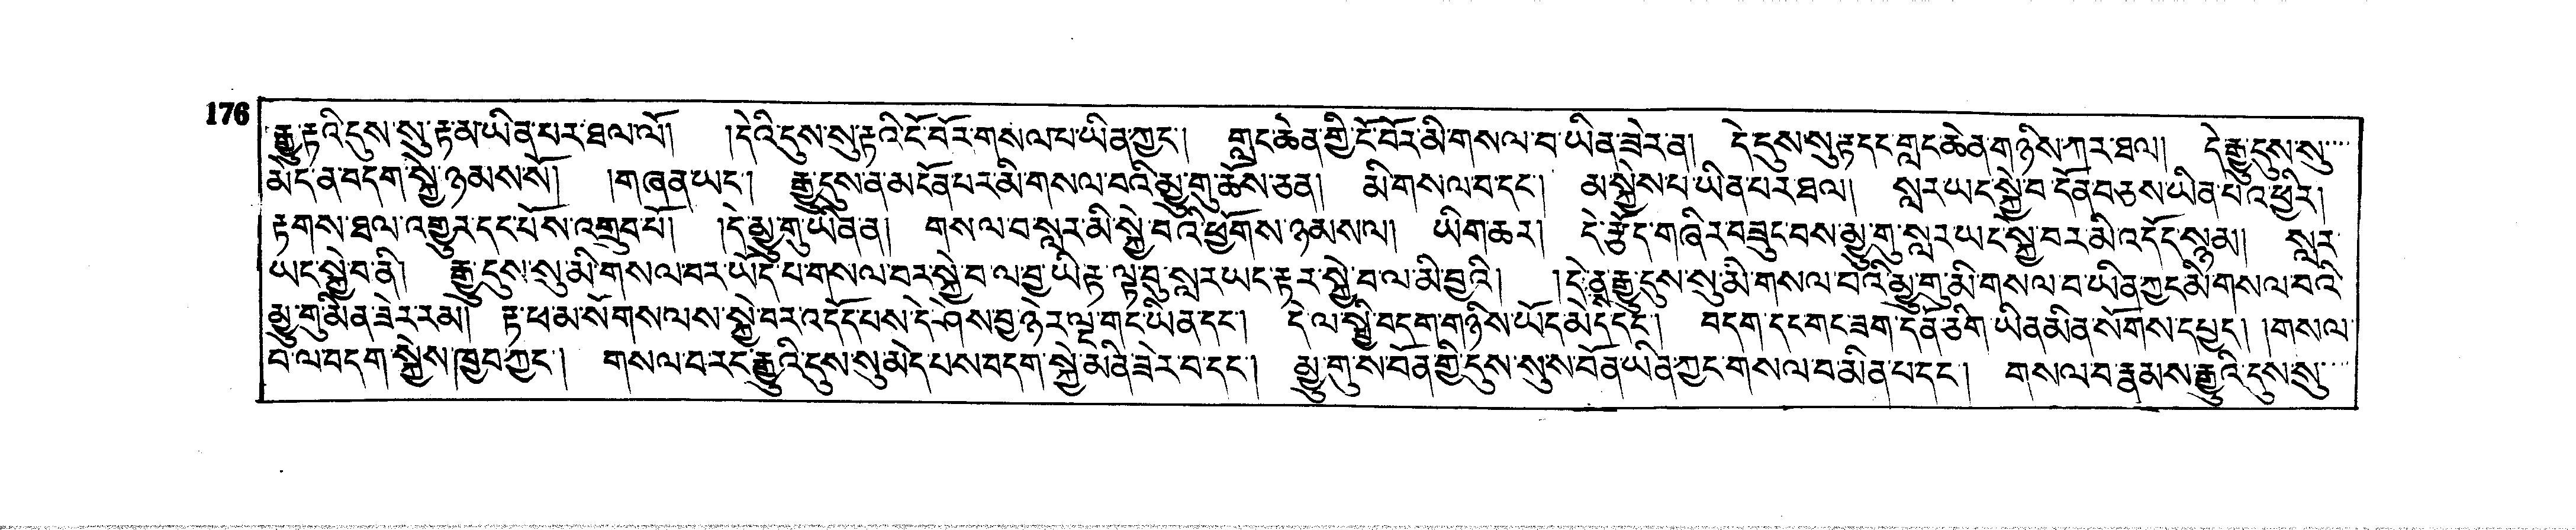རྒྱུ་རྟའི་དུས་སུ་རྟ་མ་ཡིན་པར་ཐལ་ལོ། དེའི་དུས་སུ་རྟའི་ངོ་བོར་གསལ་བ་ཡིན་ཀྱང་། གླང་ཆེན་གྱི་ངོ་བོར་མི་གསལ་བ་ཡིན་ཟེར་ན། དེ་དུས་སུ་རྟ་དང་གླང་ཆེན་གཉིས་ཀར་ཐལ། དེ་རྒྱུ་དུས་སུ་
མེད་ན་བདག་སྐྱེ་ཉམས་སོ། །གཞན་ཡང་། རྒྱུ་དུས་ན་མངོན་པར་མི་གསལ་བའི་མྱུ་གུ་ཆོས་ཅན། མི་གསལ་བ་དང་། མ་སྐྱེས་པ་ཡིན་པར་ཐལ། སླར་ཡང་སྐྱེ་བ་དོན་བཅས་ཡིན་པའི་ཕྱིར།
རྟགས་ཐལ་འགྱུར་དང་པོས་འགྲུབ་བོ། །དེ་མྱུ་གུ་ཡིན་ན། གསལ་བ་སླར་མི་སྐྱེ་བའི་ཕྱོགས་ཉམས་ལ། ཡིག་ཆར། དེ་རྩོད་གཞིར་བཟུང་བས་མྱུ་གུ་སླར་ཡང་སྐྱེ་བར་མི་འདོད་སྙམ། སླར་
ཡང་སྐྱེ་བ་ནི། རྒྱུ་དུས་སུ་མི་གསལ་བར་ཡོད་པ་གསལ་བར་སྐྱེ་བ་ལ་བྱ་ཡི་རྟ་ལྟ་བུ་སླར་ཡང་རྟར་སྐྱེ་བ་ལ་མི་བྱའི། །དེ་ནས་རྒྱུ་དུས་སུ་མི་གསལ་བའི་མྱུ་གུ་མི་གསལ་བ་ཡིན་ཀྱང་མི་གསལ་བའི་
མྱུ་གུ་མིན་ཟེར་རམ། རྟ་ཕ་མ་སོགས་ལས་སྐྱེ་བར་འདོད་པས་དེ་ཤེས་བྱ་ཉེར་ལྔ་གང་ཡིན་དང་། དེ་ལ་སྤྱི་བདག་གཉིས་ཡོད་མེད་དང་། བདག་དང་གང་ཟག་དོན་གཅིག་ཡིན་མིན་སོགས་དཔྱད། །གསལ་
བ་ལ་བདག་སྐྱེས་ཁྱབ་ཀྱང་། གསལ་བ་རང་རྒྱུའི་དུས་སུ་མེད་པས་བདག་སྐྱེ་མིན་ཟེར་བ་དང་། མྱུ་གུ་ས་བོན་གྱི་དུས་སུ་ས་བོན་ཡིན་ཀྱང་གསལ་བ་མིན་པ་དང་། གསལ་བ་རྣམས་རྒྱུའི་དུས་སུ་